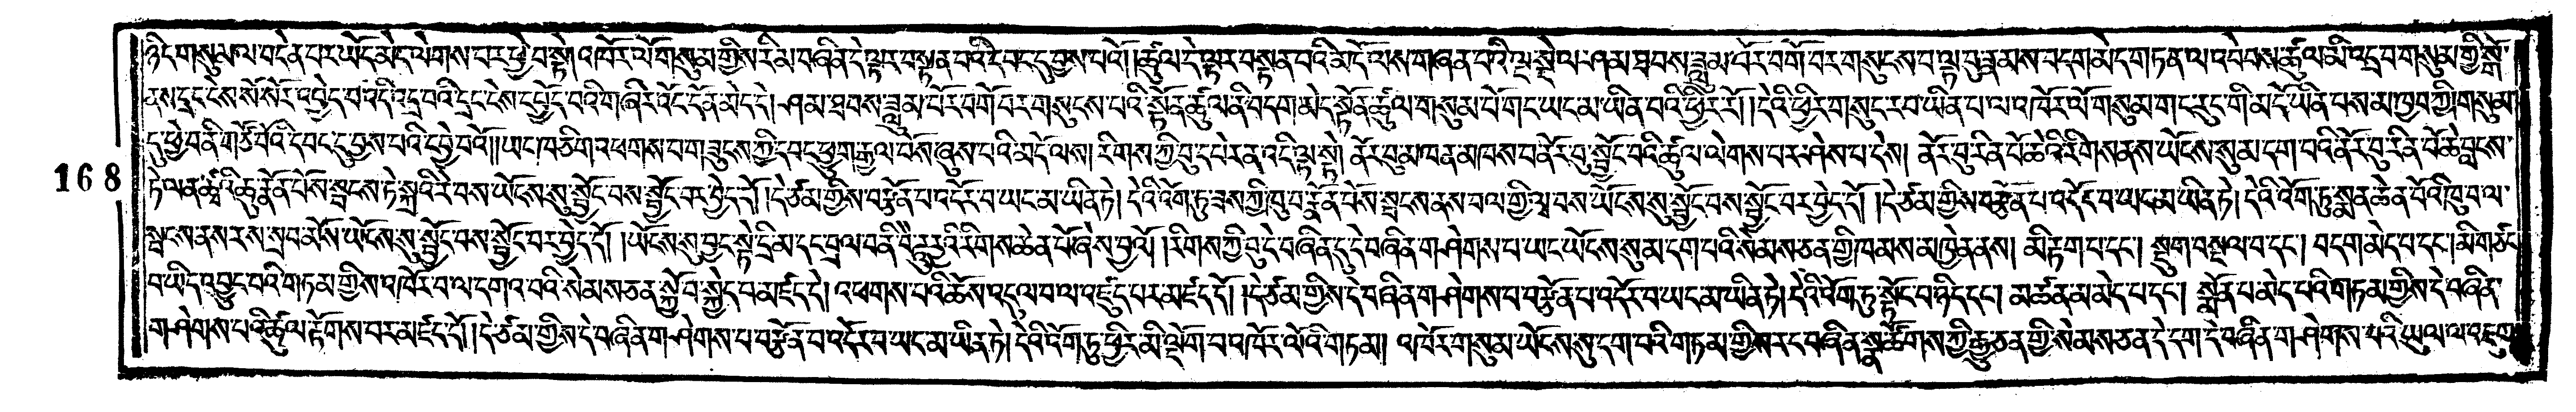ཉིད་གསུམ་ལ་བདེན་པར་ཡོད་མེད་ལེགས་པར་ཕྱེ་བ་སྟེ། འཁོར་ལོ་གསུམ་གྱིས་རིམ་བཞིན་དེ་ལྟར་བསྟན་པའི་དབང་དུ་བྱས་པའོ། །ཚུལ་དེ་ལྟར་བསྟན་པའི་མདོ་ལས་གཞན་བའི་ལྔ་སྡེ་ལ་ཤམ་ཐབས་ཟླུམ་པོར་བགོ་བར་གསུངས་པ་ལྟ་བུ་རྣམས་བདག་མེད་གཏན་ལ་འབེབས་ཚུལ་མི་འདྲ་བ་གསུམ་གྱི་སྒོ་
ནས་དྲང་ངེས་སོ་སོར་འབྱེད་པ་འདི་འདྲ་བའི་དྲང་ངེས་དཔྱོད་བའི་གཞིར་འོང་དོན་མེད་དེ། ཤམ་ཐབས་ཟླུམ་པོར་བགོ་བར་གསུངས་པའི་སྟོན་ཚུལ་ནི་བདག་མེད་སྟོན་ཚུལ་གསུམ་པོ་གང་ཡང་མ་ཡིན་པའི་ཕྱིར་རོ། །དེའི་ཕྱིར་གསུང་རབ་ཡིན་པ་ལ་འཁོར་ལོ་གསུམ་གང་རུང་གི་མདོ་ཡིན་པས་མ་ཁྱབ་ཀྱི། གསུམ་
དུ་ཕྱེ་བ་ནི་གཙོ་བོའི་དབང་དུ་བྱས་པའི་དབྱེ་བའོ། །ཡང་ཁ་ཅིག་འཕགས་བ་གཟུངས་ཀྱི་དབང་ཕྱུག་རྒྱལ་པོས་ཞུས་པའི་མདོ་ལས། རིགས་ཀྱི་བུ་དཔེར་ན་འདི་ལྟ་སྟེ། ནོར་བུ་མཁན་མཁས་པ་ནོར་བུ་སྦྱོང་བའི་ཚུལ་ལེགས་པར་ཤེས་པ་དེས། ནོར་བུ་རིན་པོ་ཆེའི་རིགས་ནས་ཡོངས་སུ་མ་དག་པའི་ནོར་བུ་རིན་པོ་ཆེ་བླངས་
ཏེ་ལན་ཚྭའི་ཆུ་རྣོན་པོས་སྦངས་ཏེ་སྐྲའི་རེ་བས་ཡོངས་སུ་སྦྱོང་བས་སྦྱོང་བར་བྱེད་དོ། །དེ་ཙམ་གྱིས་བརྩོན་པ་འདོར་བ་ཡང་མ་ཡིན་ཏེ། དེའི་འོག་ཏུ་ཟས་ཀྱི་ཁུ་བ་རྣོན་པོས་སྤངས་ནས་བལ་གྱིས་བས་ཡོངས་སུ་སྦྱོང་བས་སྦྱོང་བར་བྱེད་དོ། །དེ་ཙམ་གྱིས་བརྩོན་པ་འདོར་བ་ཡང་མ་ཡིན་ཏེ། དེའི་འོག་ཏུ་སྨན་ཆེན་པོའི་ཁུ་བ་ལ་
སྤངས་ནས་རས་སྲབ་མོས་ཡོངས་སུ་སྦྱོང་བས་སྦྱོང་བར་བྱེད་དོ། །ཡོངས་སུ་བྱང་སྟེ་དྲི་མ་དང་བྲལ་བ་ནི་བཻཌཱུརྱའི་རིགས་ཆེན་པོ་ཞེས་བྱའོ། །རིགས་ཀྱི་བུ་དེ་བཞིན་དུ་དེ་བཞིན་གཤེགས་པ་ཡང་ཡོངས་སུ་མ་དག་པའི་སེམས་ཅན་གྱི་ཁམས་མཁྱེན་ནས། མི་རྟག་པ་དང་། སྡུག་བསྔལ་བ་དང་། བདག་མེད་པ་དང་། མི་གཙང་
བ་ཡིད་འབྱུང་བའི་གཏམ་གྱིས་འཁོར་བ་ལ་དགའ་བའི་སེམས་ཅན་སྐྱོབ་སྐྱེད་བ་མཛད་དེ། འཕགས་པའི་ཆོས་འདུལ་བ་ལ་འཛུད་པར་མཛད་དོ། །དེ་ཙམ་གྱིས་དེ་བཞིན་གཤེགས་པ་བརྩོན་པ་འདོར་བ་ཡང་མ་ཡིན་ཏེ། དེའི་འོག་ཏུ་སྟོང་པ་ཉིད་དང་། མཚན་མ་མེད་པ་དང་། སྨོན་པ་མེད་པའི་གཏམ་གྱིས་དེ་བཞིན་
གཤེགས་པའི་ཚུལ་རྟོགས་པར་མཛད་དོ། །དེ་ཙམ་གྱིས་དེ་བཞིན་གཤེགས་པ་བརྩོན་བ་འདོར་བ་ཡང་མ་ཡིན་ཏེ། དེའི་འོག་ཏུ་ཕྱིར་མི་ལྡོག་པ་འཁོར་ལོའི་གཏམ། འཁོར་གསུམ་ཡོངས་སུ་དག་པའི་གཏམ་གྱིས་རང་བཞིན་སྣ་ཚོགས་ཀྱི་རྒྱུ་ཅན་གྱི་སེམས་ཅན་དེ་དག་དེ་བཞིན་གཤེགས་པའི་ཡུལ་ལ་འཇུག་